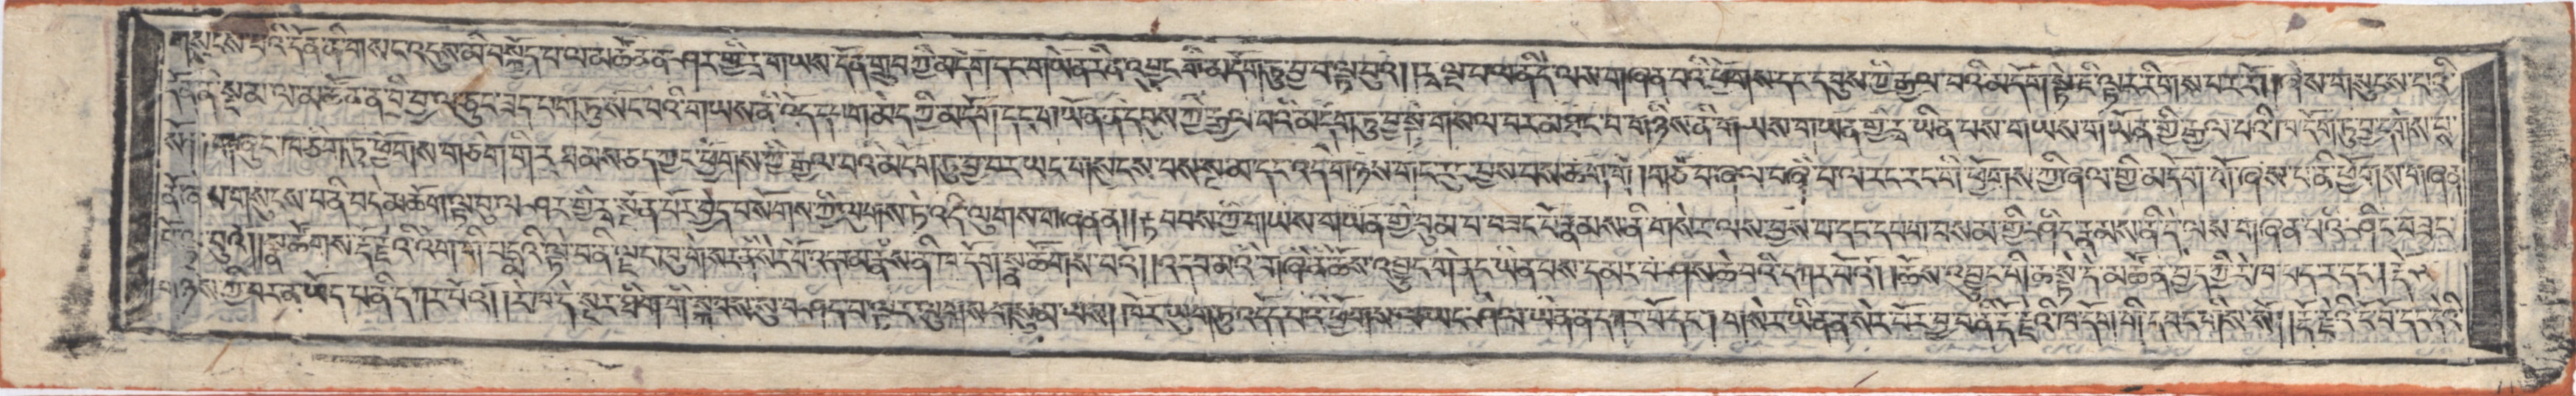གསུངས་པའི་དོན་ནི་གསང་འདུས་མི་བསྐྱོད་པ་ལ་མཚོན་ན་ཤར་གྱི་རྭ་གཡས་དོན་གྲུབ་ཀྱི་མདོག་དང་གཡོན་རིན་འབྱུང་གི་མདོག་ཏུ་བྱ་བ་ལྟ་བུའོ། །རྭ་ལྔ་པ་ལ་ནི་དེ་ལས་གཞན་པའི་ཕྱོགས་དང་དབུས་ཀྱི་རྒྱལ་བའི་མདོག་སྟེ་ཇི་ལྟར་རིགས་པ་རོ། །ཞེས་གསུངས་པའི་
དོན་ནི་སྔ་མ་ལ་མཚོན་ན་བྲི་བྱ་ལ་ཅུང་ཟད་པག་ཏུ་སོང་བའི་གཡས་ནི་འོད་དཔག་མེད་ཀྱི་མདོག་དང་གཡོན་ནི་དབུས་ཀྱི་རྒྱལ་བའི་མདོག་ཏུ་བྱ་སྟེ་གསལ་བར་མཐོང་བ་གཉིས་ནི་གཡས་གཡོན་གྱི་རྭ་ཡིན་པས་གཡས་གཡོན་གྱི་རྒྱལ་བའི་ཁ་དོག་ཏུ་བྱ་དགོད་པས་
སོ༑ ༑གཞུང་ཁ་ཅིག་ཏུ་ཕྱོགས་གཅིག་གི་རྭ་ཐམས་ཅད་ཀྱང་ཕྱོགས་ཀྱི་རྒྱལ་བའི་མདོག་ཏུ་བྱ་བར་ཡང་གསུངས་པས་སྔ་མ་དང་འདི་གཉིས་གང་རུང་བྱས་པས་ཆོག་གོ །གཙོ་བོ་ཞལ་བཞི་པ་ལ་རང་རང་གི་ཕྱོགས་ཀྱི་ཞལ་གྱི་མདོག་གོ་ཞེས་པ་ནི་ཕྱོགས་གཞན་ནོ་ཞེས་གསུངས་པ་ནི་བདེ་མཆོག་ལྟ་བུ་ལ་ཤར་གྱི་རྭ་སྔོན་པོར་བྱེད་པ་སོགས་ཀྱི་ལུགས་ཏེ་འདི་ལུགས་གཞན་ན། །རྟབས་ཀྱི་གཡས་གཡོན་གྱི་བུམ་པ་བཟང་པོ་རྣམས་ནི་གསེར་ལས་བྱས་པ་དང་དཔག་བསམ་གྱི་ཤིང་རྣམས་ནི་དེ་ལས་གཞན་པའི་ཤིང་བཟང་
པོ་ལྟ་བུའོ། །སྣ་ཚོགས་རྡོ་རྗེའི་འོག་གི་པདམའི་ལྟེ་བ་ནི་ལྗང་ཁུ་གེ་སར་ནི་སེར་པོ་འདབ་མ་རྣམས་ནི་ཁ་དོག་སྣ་ཚོགས་པའོ། །འདབ་མའི་གཞི་ནི་ཆོས་འབྱུང་གི་ནང་ཡིན་པས་དམར་པོ་ཤས་ཆེ་བའི་དཀར་པོའོ། །ཆོས་འབྱུང་གི་ཆ་སྟེ་དེ་མཚོན་བྱེད་ཀྱི་རེ་ཁ་པད་ར་དང་། རྡོ་དར་
གཉིས་ཀྱི་བར་ན་ཡོད་པ་ནི་དཀར་པོའོ། །རེ་ཁ་དེ་སྔར་ཐིག་གི་སྐབས་སུ་བཤད་པ་ལྟར་ལུགས་གསུམ་ལས། ཁོར་ཡུག་ཏུ་འདོད་པའི་ཕྱོགས་ལ་ཡང་ཤེལ་ཡིན་ན་དཀར་པོ་དང་། གསེར་ཡིན་ན་སེར་པོར་བྱ་བ་ནི་རྡོ་རྗེའི་ཁ་དོག་གི་དབང་གིས་སོ། །རྡོ་རྗེའི་ངོ་བོ་དང་དེའི་